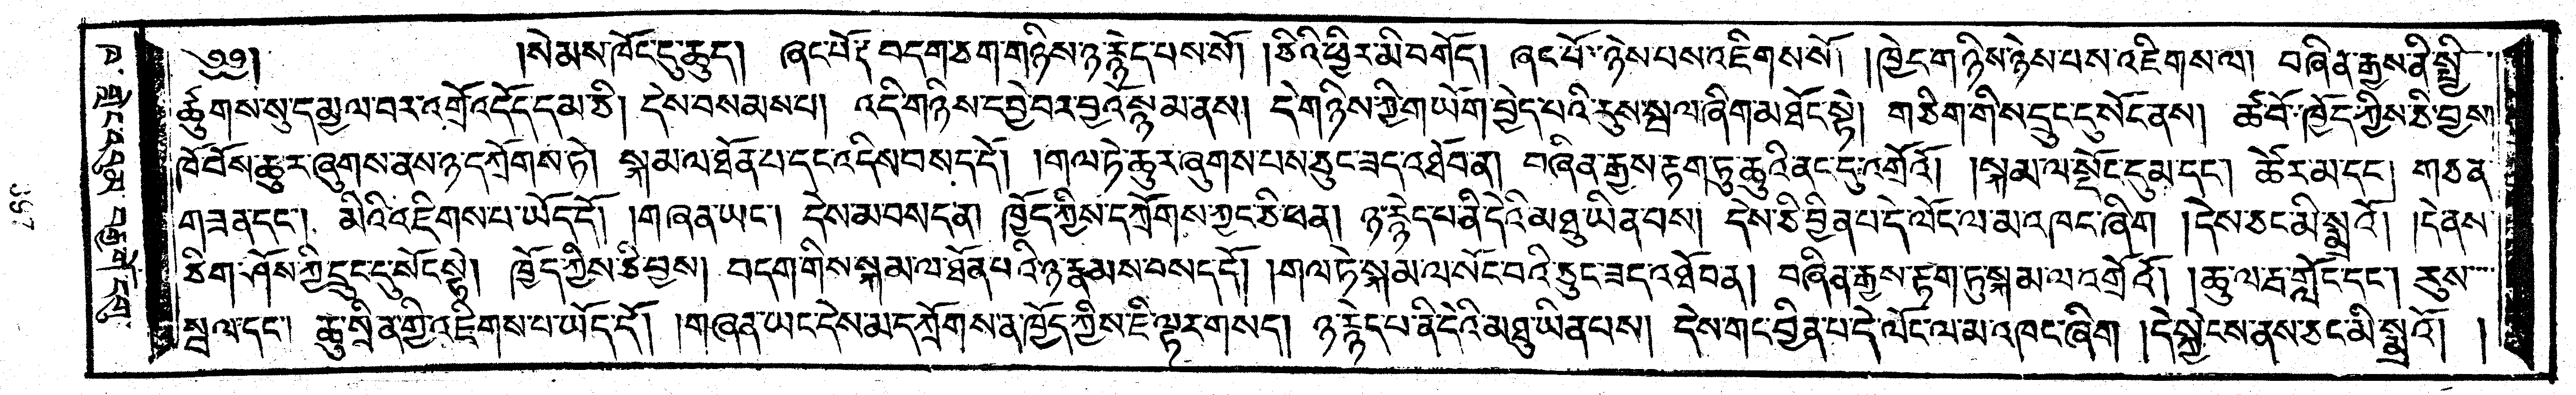༄༅། །སེམས་ཁོང་དུ་ཆུད། ཞང་པོ༑ བདག་ཅག་གཉིས་ཉ་རྙེད་པས་སོ། །ཅིའི་ཕྱིར་མི་བགོད། ཞང་པོ་ཉེས་པས་འཇིགས་སོ། །ཁྱེད་གཉིས་ཉེས་པས་འཇིགས་ལ། བཞིན་རྒྱས་ནི་སྤྱི་
ཚུགས་སུ་དམྱལ་བར་འགྲོ་འདོད་དམ་ཅི། དེས་བསམ་པ། འདི་གཉིས་དབྱེ་བར་བྱའོ་སྙམ་ནས། དེ་གཉིས་ཀྱི་གཡོག་བྱེད་པའི་རུས་སྦལ་ཞིག་མཐོང་སྟེ། གཅིག་གིས་དྲུང་དུ་སོང་ནས། ཚ་བོ་ཁྱོད་ཀྱིས་ཅི་བྱས།
ཁོ་བོས་ཆུར་ཞུགས་ནས་ཉ་དཀྲོགས་ཏེ། སྐམ་ལ་ཐོན་པ་དང་འདིས་བསད་དོ། །གལ་ཏེ་ཆུར་ཞུགས་པས་ཅུང་ཟད་འཐོབ་ན། བཞིན་རྒྱས་རྟག་ཏུ་ཆུའི་ནང་དུ་འགྲོའོ། །སྐམ་ལ་སྡོང་དུམ་དང་། ཚེར་མ་དང་། གཅན་
གཟན་དང་། མིའི་འཇིགས་པ་ཡོད་དོ། །གཞན་ཡང་། དེས་མ་བསད་ན། ཁྱོད་ཀྱིས་དཀྲོགས་ཀྱང་ཅི་ཕན། ཉ་རྙེད་པ་ནི་དེའི་མཐུ་ཡིན་པས། དེས་ཅི་བྱིན་པ་དེ་ལོང་ལ་མ་འཁང་ཞིག །དེས་ཅང་མི་སྨྲའོ། །དེ་ནས་
ཅིག་ཤོས་ཀྱི་དྲུང་དུ་སོང་སྟེ། ཁྱོད་ཀྱིས་ཅི་བྱས། བདག་གིས་སྐམ་ལ་ཐོན་པའི་ཉ་རྣམས་བསད་དོ། །གལ་ཏེ་སྐམ་ལ་སོང་བའི་ཅུང་ཟད་འཐོབ་ན། བཞིན་རྒྱས་རྟག་ཏུ་སྐམ་ལ་འགྲོའོ། །ཆུ་ལ་རྦ་གློང་དང་། རུས་
སྦལ་དང་། ཆུ་སྲིན་གྱི་འཇིགས་པ་ཡོད་དོ། །གཞན་ཡང་དེས་མ་དཀྲོགས་ན་ཁྱོད་ཀྱིས་ཇི་ལྟར་གསད། ཉ་རྙེད་པ་ནི་དེའི་མཐུ་ཡིན་པས། དེས་གང་བྱིན་པ་དེ་ལོང་ལ་མ་འཁང་ཞིག །དེ་སྐྱེངས་ནས་ཅང་མི་སྨྲའོ། །